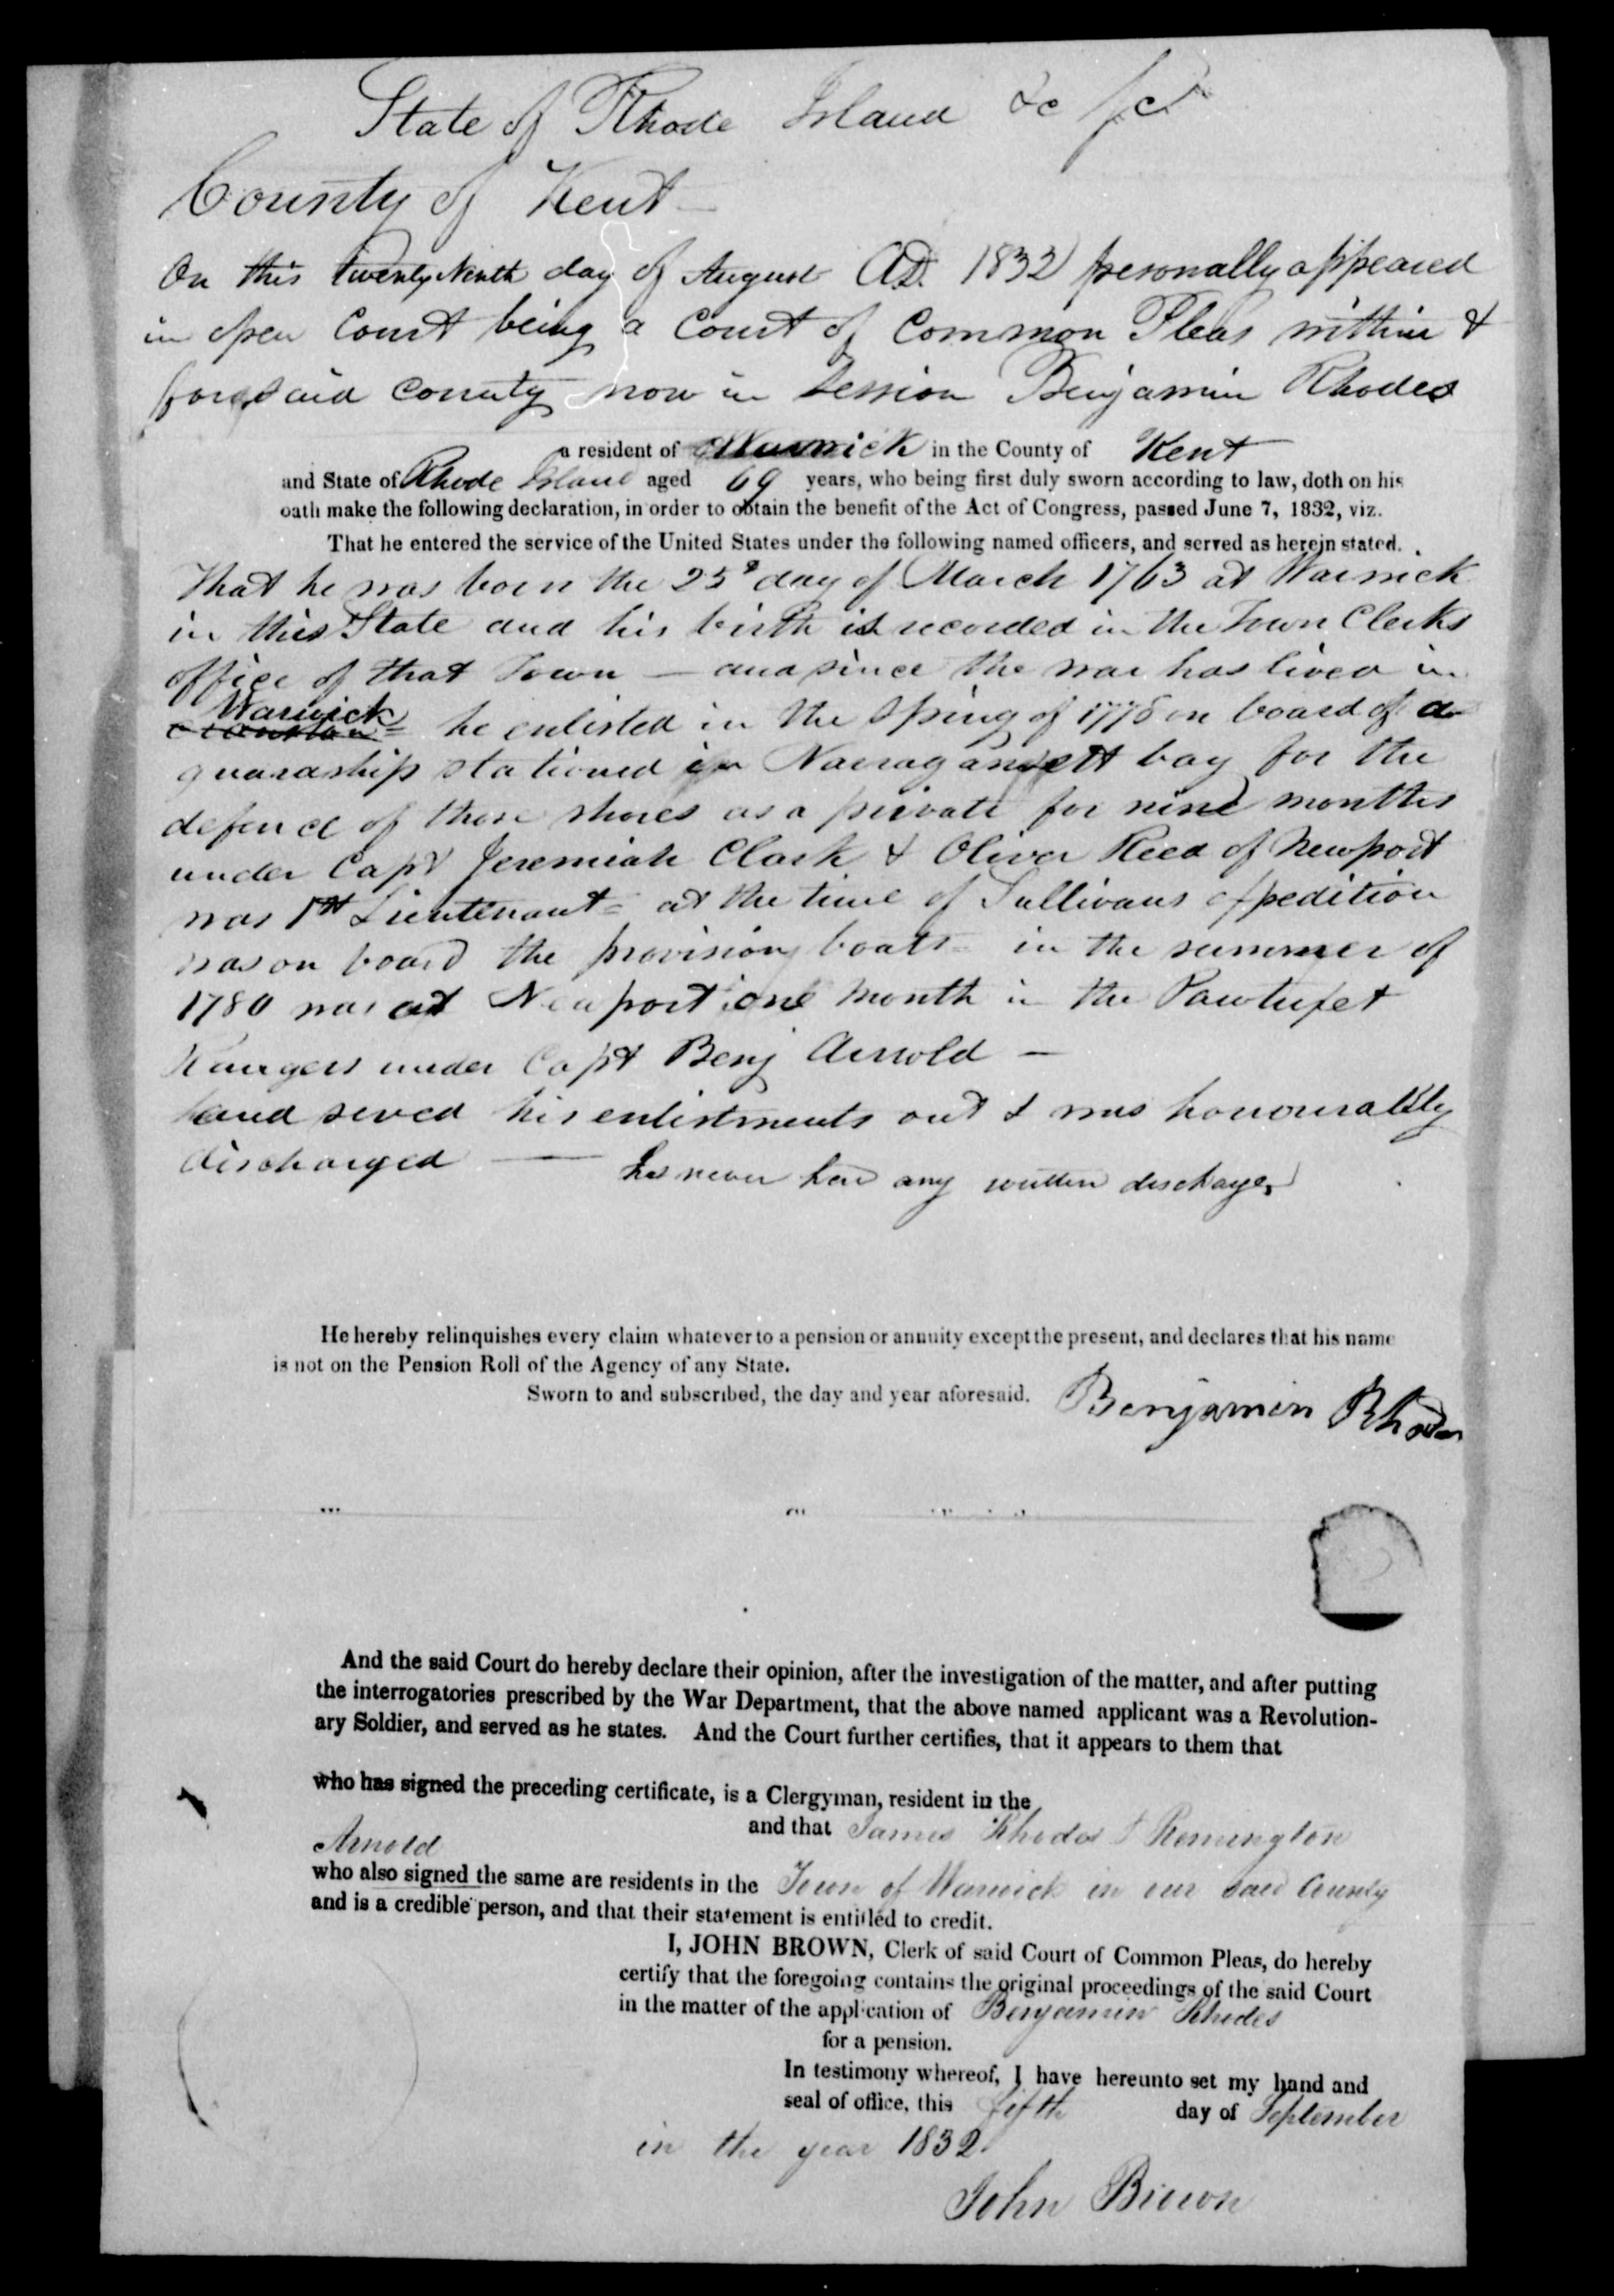State of Rhode Island   (illegible)
County of Kent
On this twenty ninth day of August A.D. 1832 personally appeared in open court being a Court of Common Pleas within & for said county now in session Benjamin Rhodes
a resident of Warwick in the County of Kent and State of Rhode Island aged 69 years, who being first duly sworn according to law, doth on his oath make the following declaration, in order to obtain the benefit of the Act of Congress, passed June 7, 1832, viz.
That he entered the service of the United States under the following named officers, and served as herein stated.
That he was born the 25th day of March 1763 at Warwick in this State and his birth is recorded in the Town Clerks office of that town- and since the man has lived in Warwick he enlisted in the spring of 1778 on board of a
guardship stationed in Narragansett bay for the defence of these shores as a private for nine months under Capt Jeremiah Clark & Oliver Reed of Newport was 1st Lieutenant at the time of Sullivans expedition was on board the provision boats in the summer of 1780  was at Newport one month in the Pawtucket Rangers under Capt Benj Arnold-and served his enlistments out  & was honourably discharged- he never had any written discharge.
He hereby relinquishes every claim whatever to a pension or annuity except the present,  and declares that his name is not on the Pension Roll of the Agency of any State.
Sworn to and subscribed, the day and year aforesaid.  Benjamin Rhodes.
And the said Court do hereby declare their opinion, after the investigation of the matter, and after putting the interrogatories prescribed by the War Department, that the above named applicant was a Revolutionary Soldier, and served as he states.  And the Court further certifies, that it appears to them that who has signed the preceding certificate, is a Clergyman, resident in the and that James Rhodes & Remington Arnold who also signed the same are residents in the Town of Warwick in the said county and is a credible person, and that their statement is entitled to credit.
I, John Brown, Clerk of said Court of Common Pleas, do hereby certify that the foregoing contains the original proceedings of the said Court in the matter of the application of Benjamin Rhodes for a pension.
In testimony whereof, I have hereunto set my hand and seal of office, this fifth day of September in the year 1852.
John Brown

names: James Rhodes; Benjamin Rhodes; John Brown; Benjamin Rhodes; Oliver Reed; Jeremiah Clark; Benj Arnold; Remington Arnold; John Brown; Benjamin Rhodes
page: 5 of 50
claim: widow's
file: W. 22058, for Benjamin Rhodes, Rhode Island